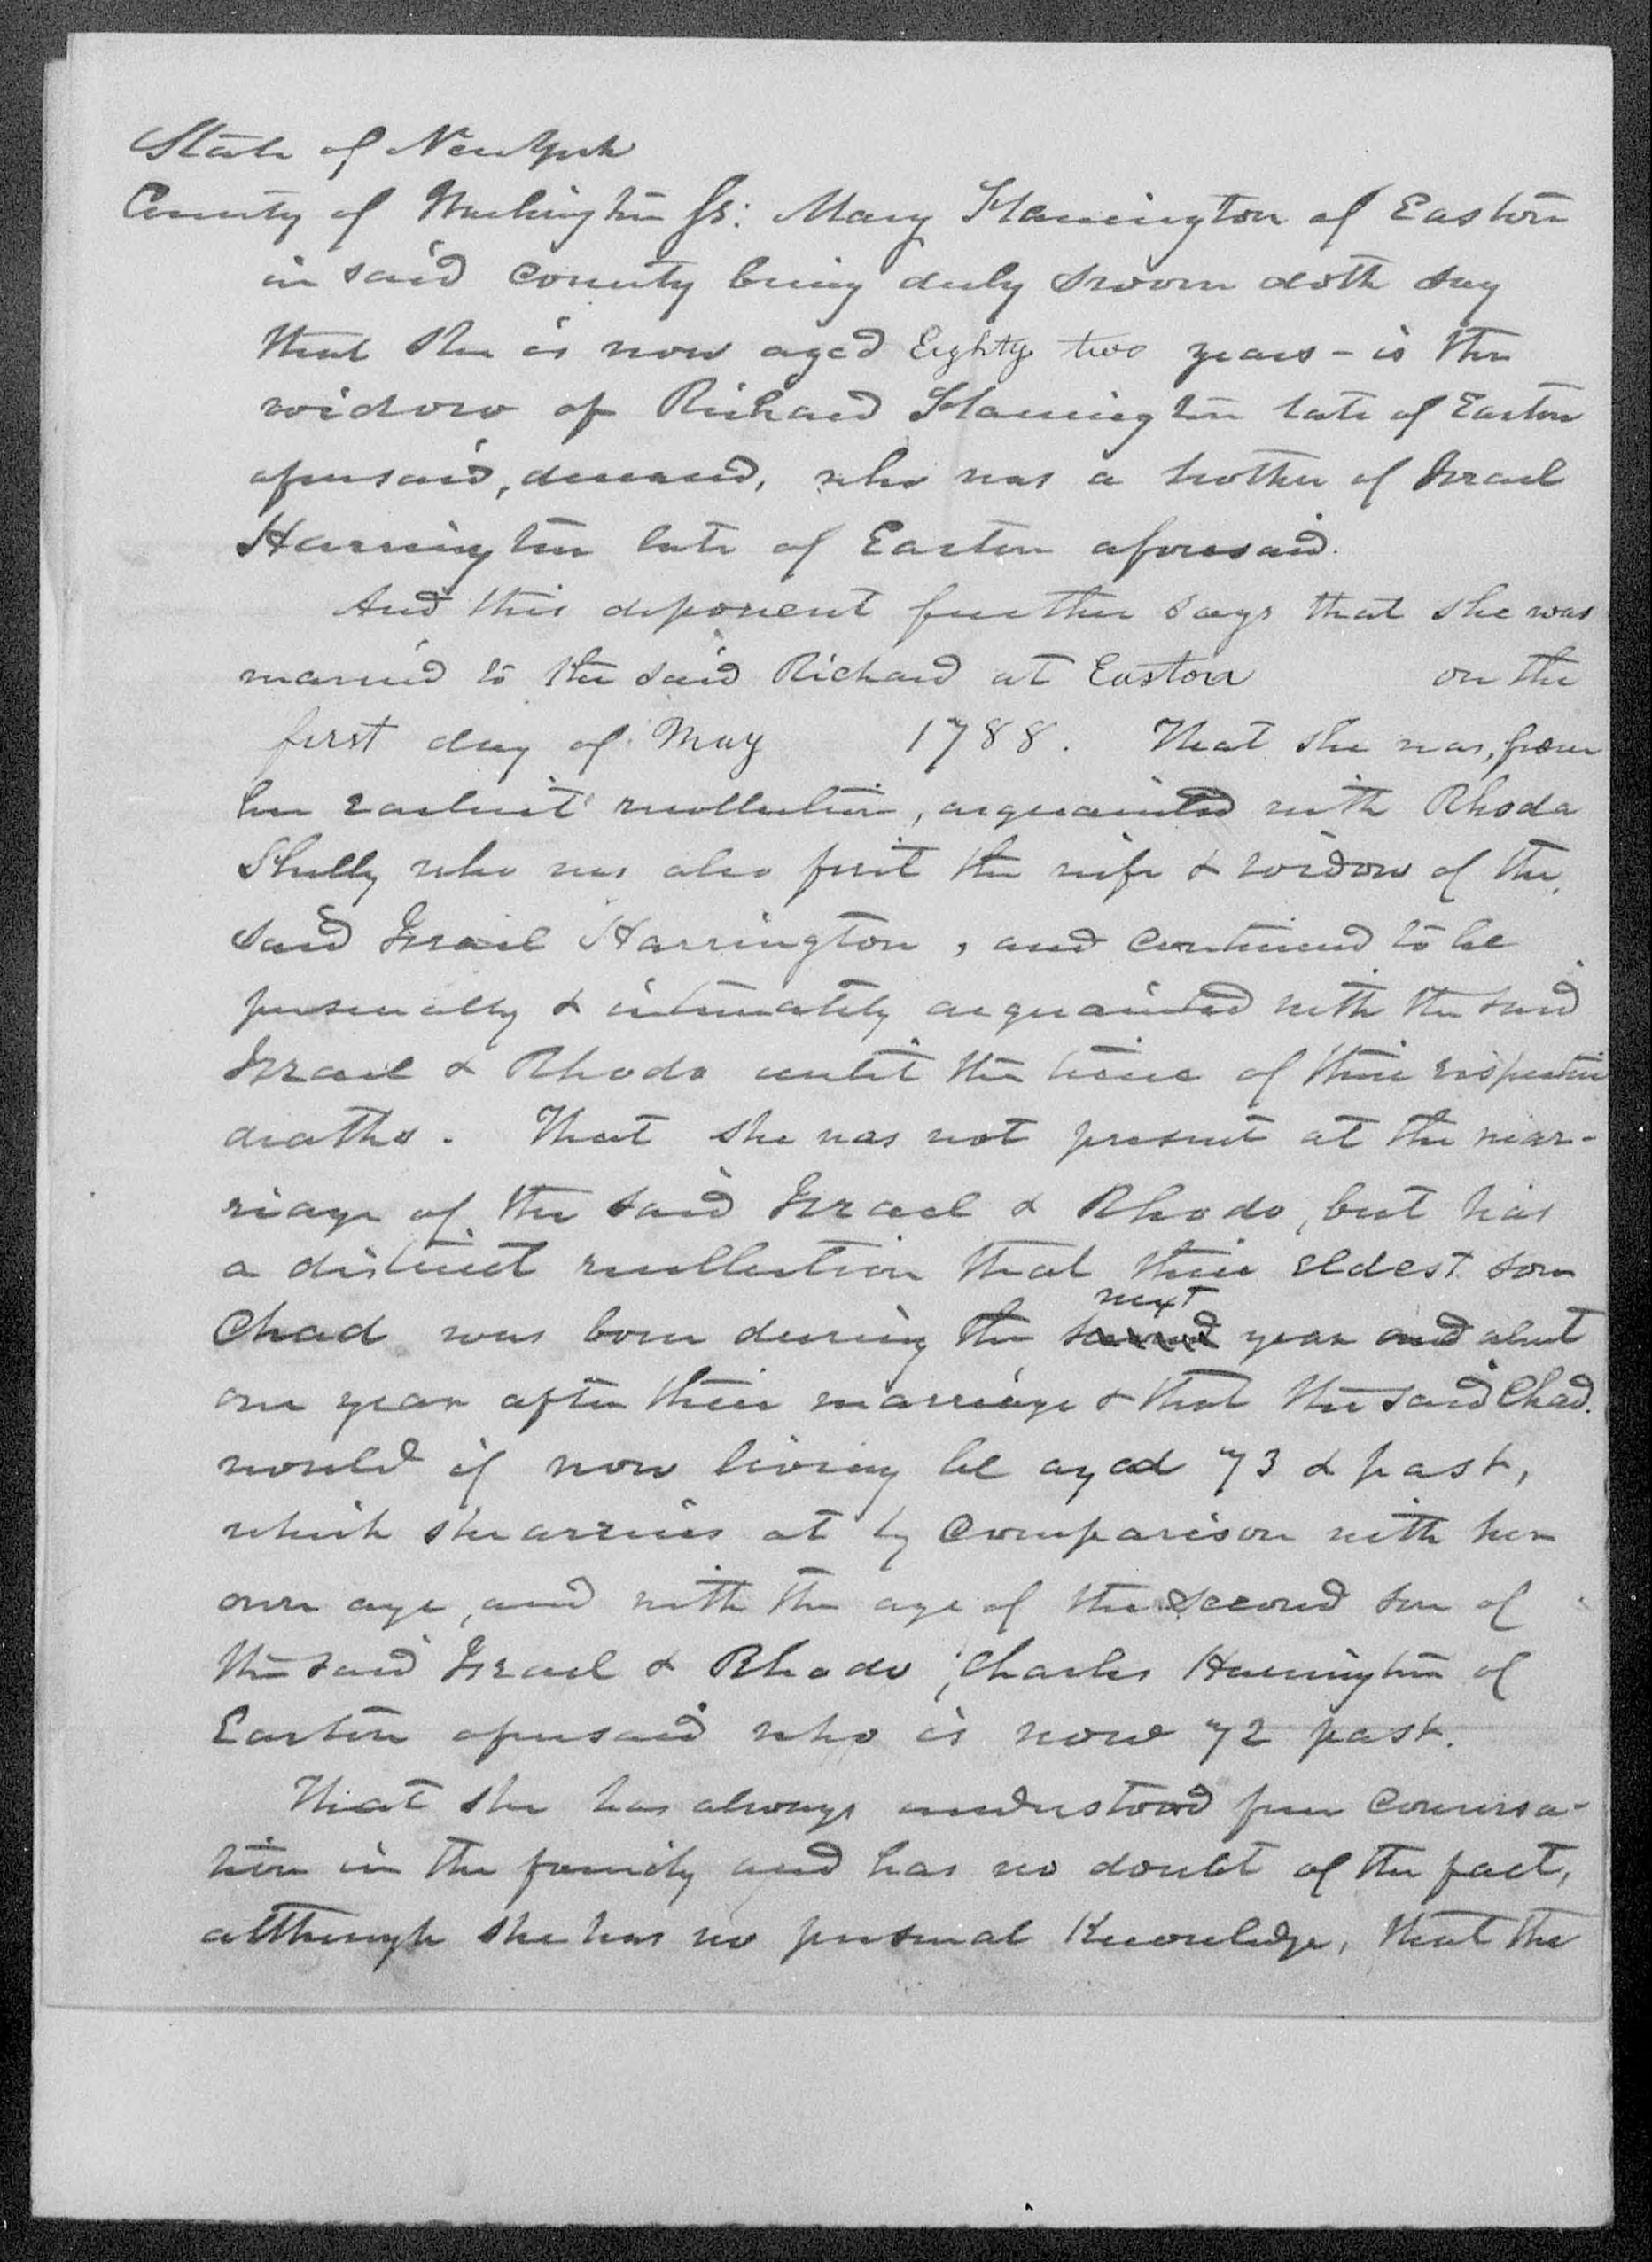State of New York
County of Washington Ss: Mary Harrington of Easton in said County being duly sworn doth say that she is now aged Eighty two years - is the widow of Richard Harrington late of Easton aforesaid, deceased, who was a brother of Israel Harrington late of Easton aforesaid.

And this deponent further says that she was married to the said Richard at Easton on the first day of May 1788. That she was, from her earliest recollection, acquainted with Rhoda Shelly who was also first the wife & widow of the said Israel Harrington, and continued to be personally & intimately acquainted with the said Israel & Rhoda until the time of their [illegible] deaths. That she was not present at the marriage of the said Israel & Rhoda, but has a distinct recollection that their eldest son Chad was born during the next year and about one year after their marriage & that the said Chad would if now living be aged 73 years & past, which she arrives at by comparison with her own age, and with the age of the Second son of the said Israel & Rhoda; Charles Harrington of Easton aforesaid who is now 72 years.

That she has always understood from conversation in the family and has no doubt of the fact, although she has no formal knowledge, that the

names: Rhoda, Chad, Charles Harrington, Rhoda, Israel, Rhoda, Rhoda Shelly, Israel Harrington, Israel Harrington, Richard Harrington, Israel, Chad, Mary Harrington, Israel, Richard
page: 41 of 51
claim: widow's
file: W. 19,026, Israel Harrington, R.I.